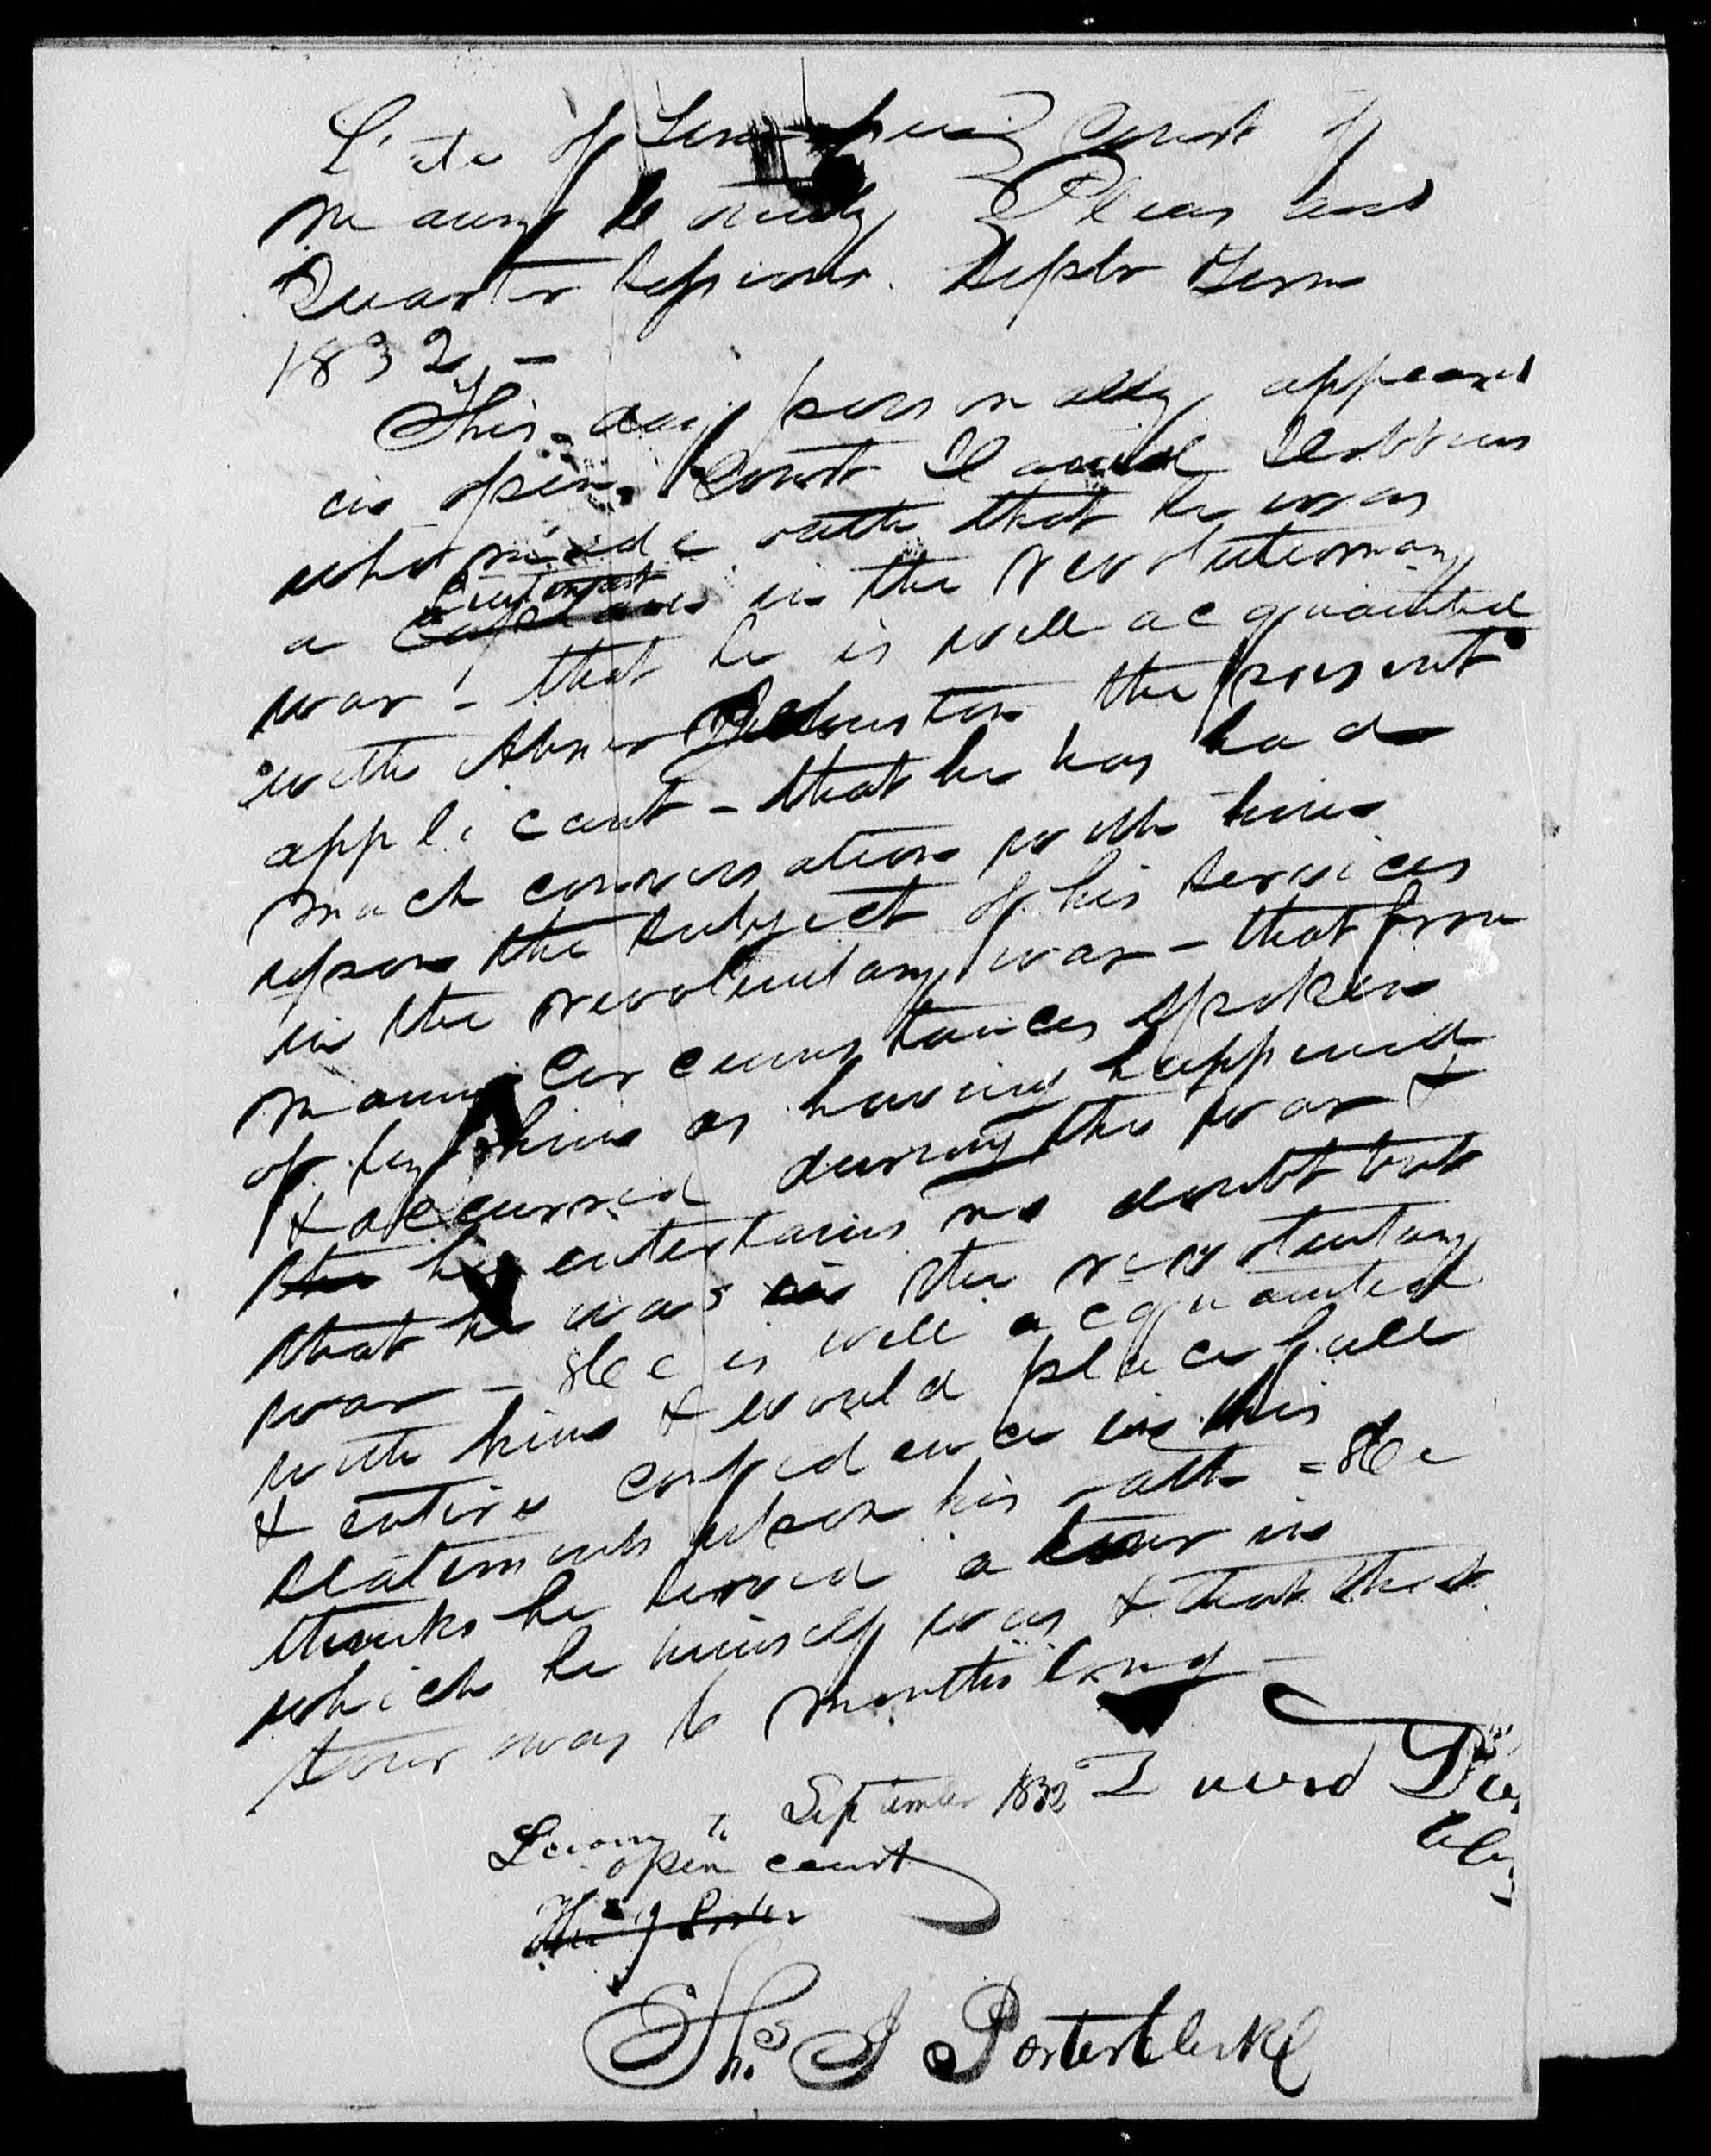State of Tennessee
Maury County: Court of Pleas and Quarter Sessions September Term 1832 
     David Dobbins who made oath that he was a Lieutenant in the Revolutionary war -- that he is well acquainted with Abner Johnston [sic] the present applicant -- that he has had much conversation with him upon the subject of his services in the revolutionary war -- that from many circumstances spoken of by him as having happened & occurred during the war & he entertains no doubt but that he was in the revolutionary war.  He is well acquainted with him & would place full & entire confidence in his statements upon his oath.  He thinks he served a tour in which he himself was & that this tour was 6 months long. 

                             David Dobbins
Sworn to September 1832 in open Court. 
      Thos. J. Porter, Clerk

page: 8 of 27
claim: rejected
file: R. 5649, for Abner Johnson, North Carolina